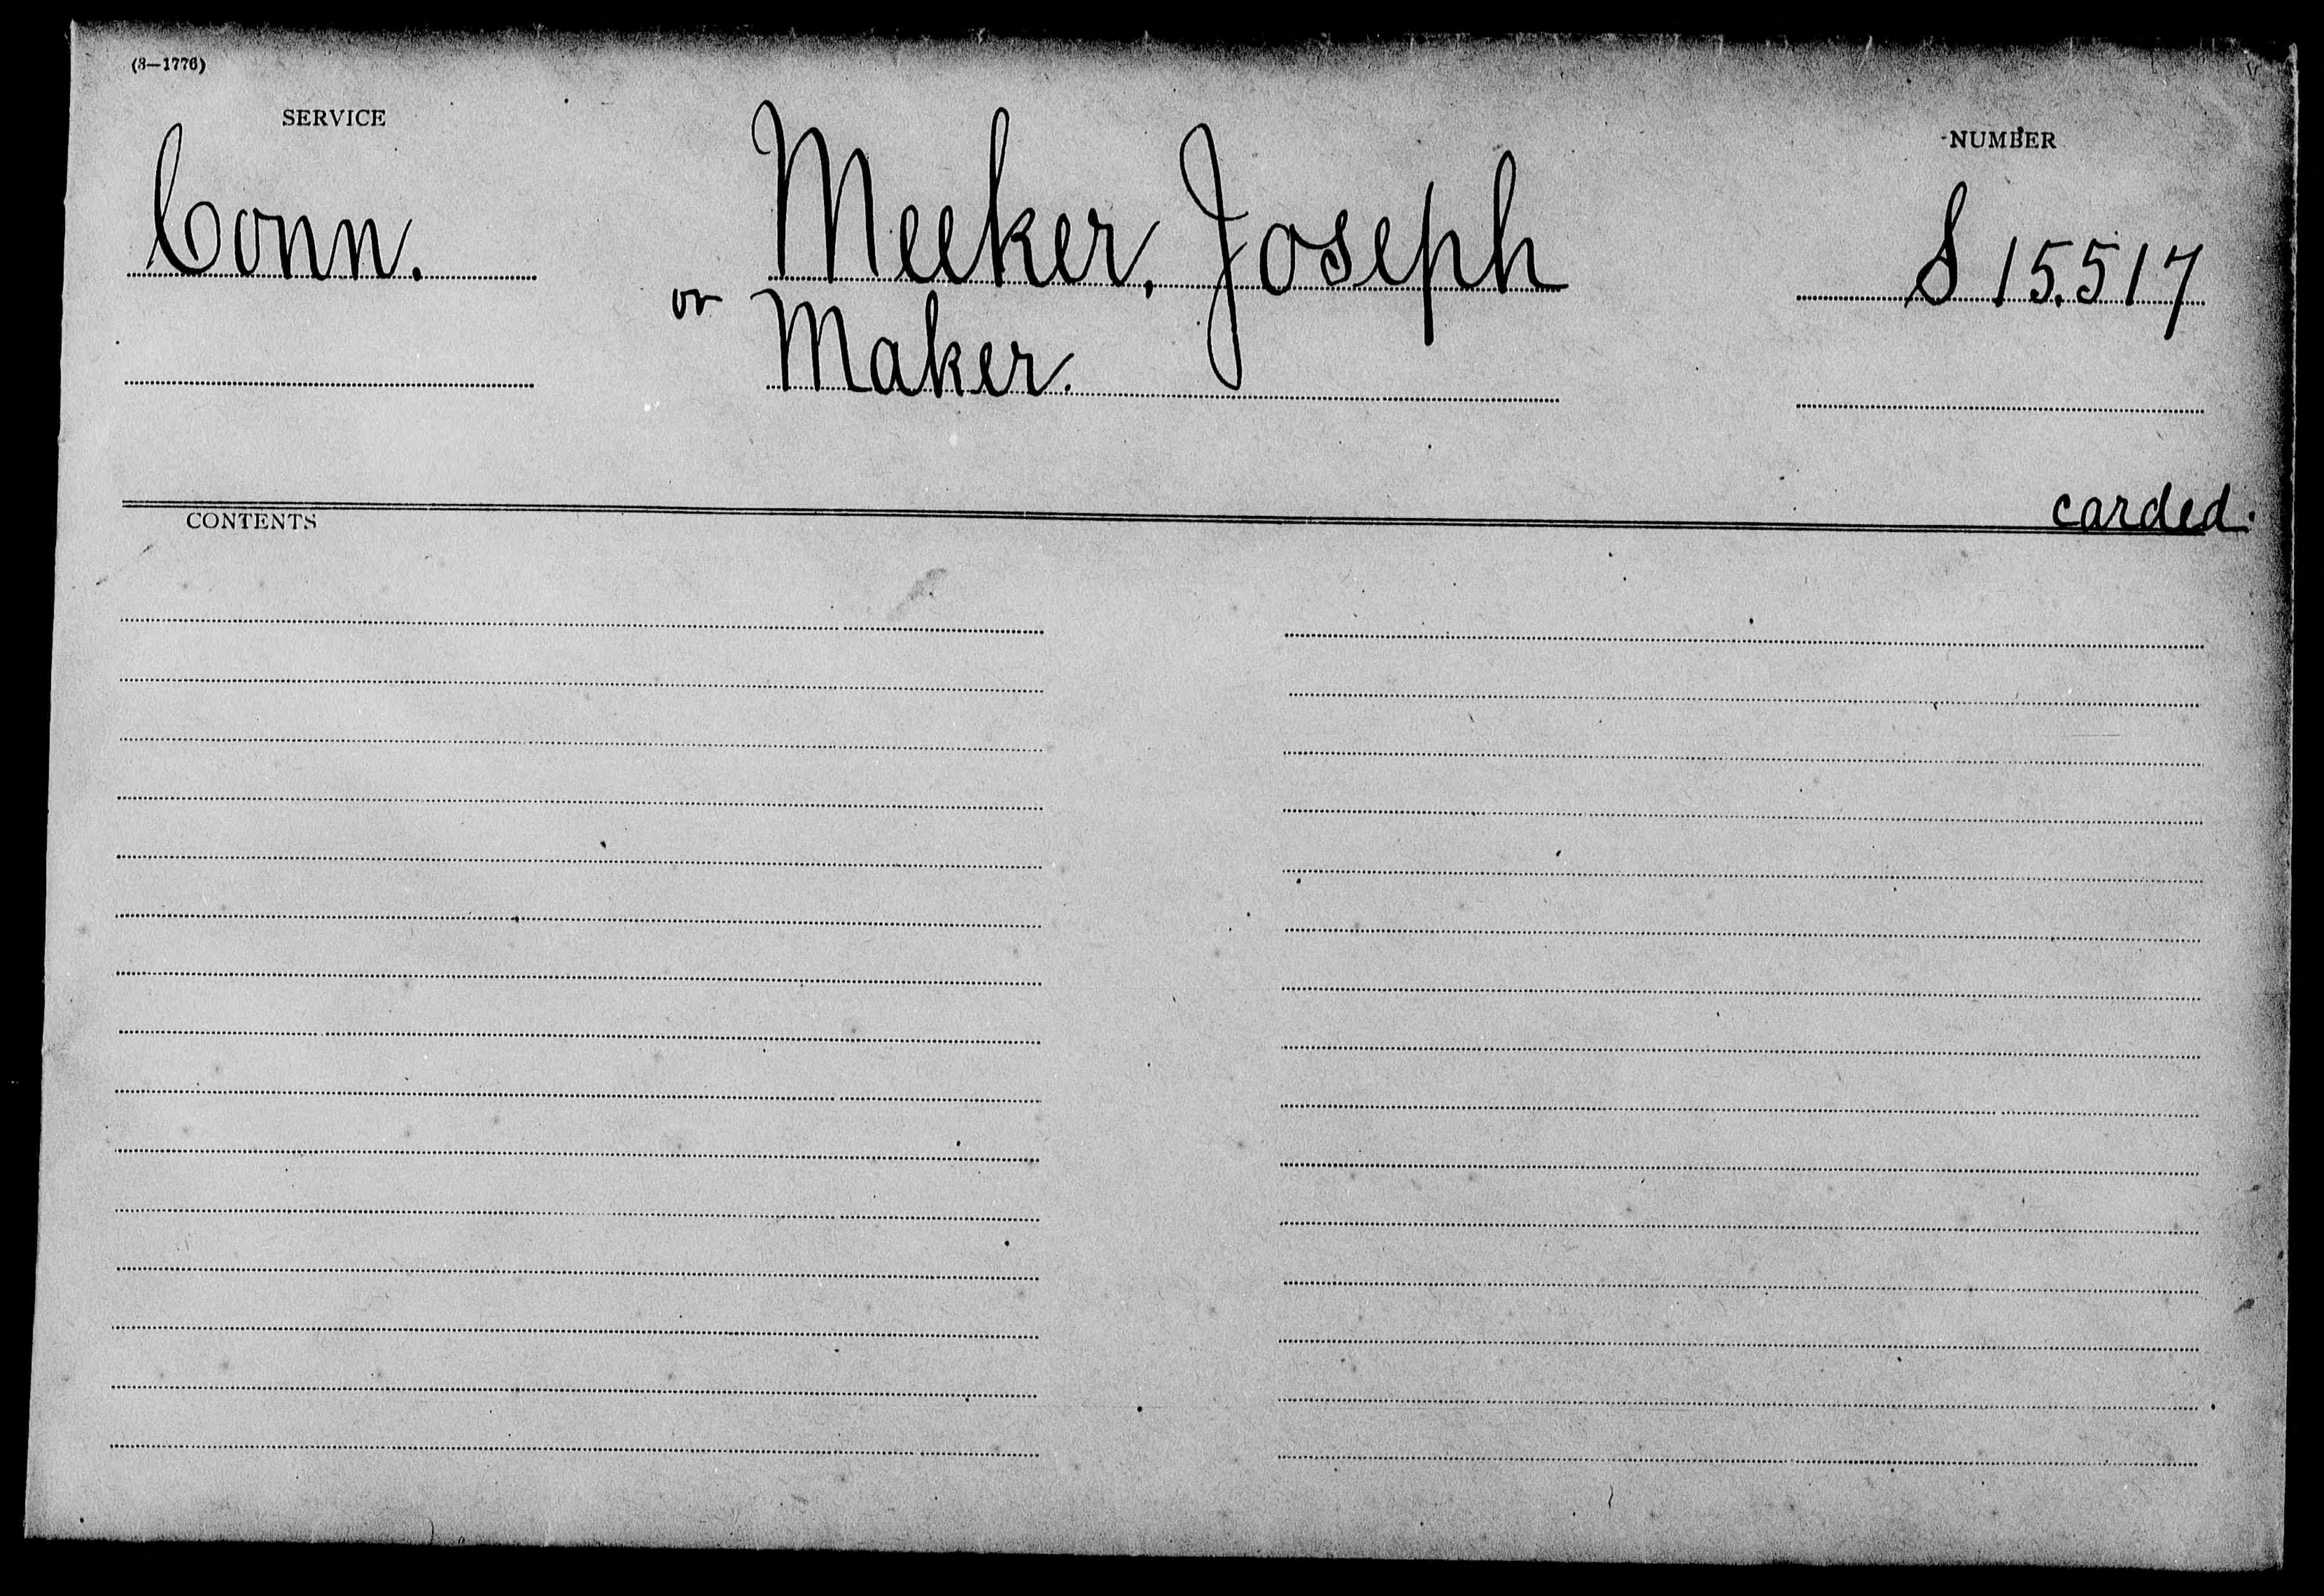SERVICE                                             NUMBER

Conn              Meeker, Joseph            S 15517
                       Maker
                                                             carded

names: Joseph Maker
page: 1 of 22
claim: survivor's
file: S. 15,517, for Joseph Meeker, Connecticut